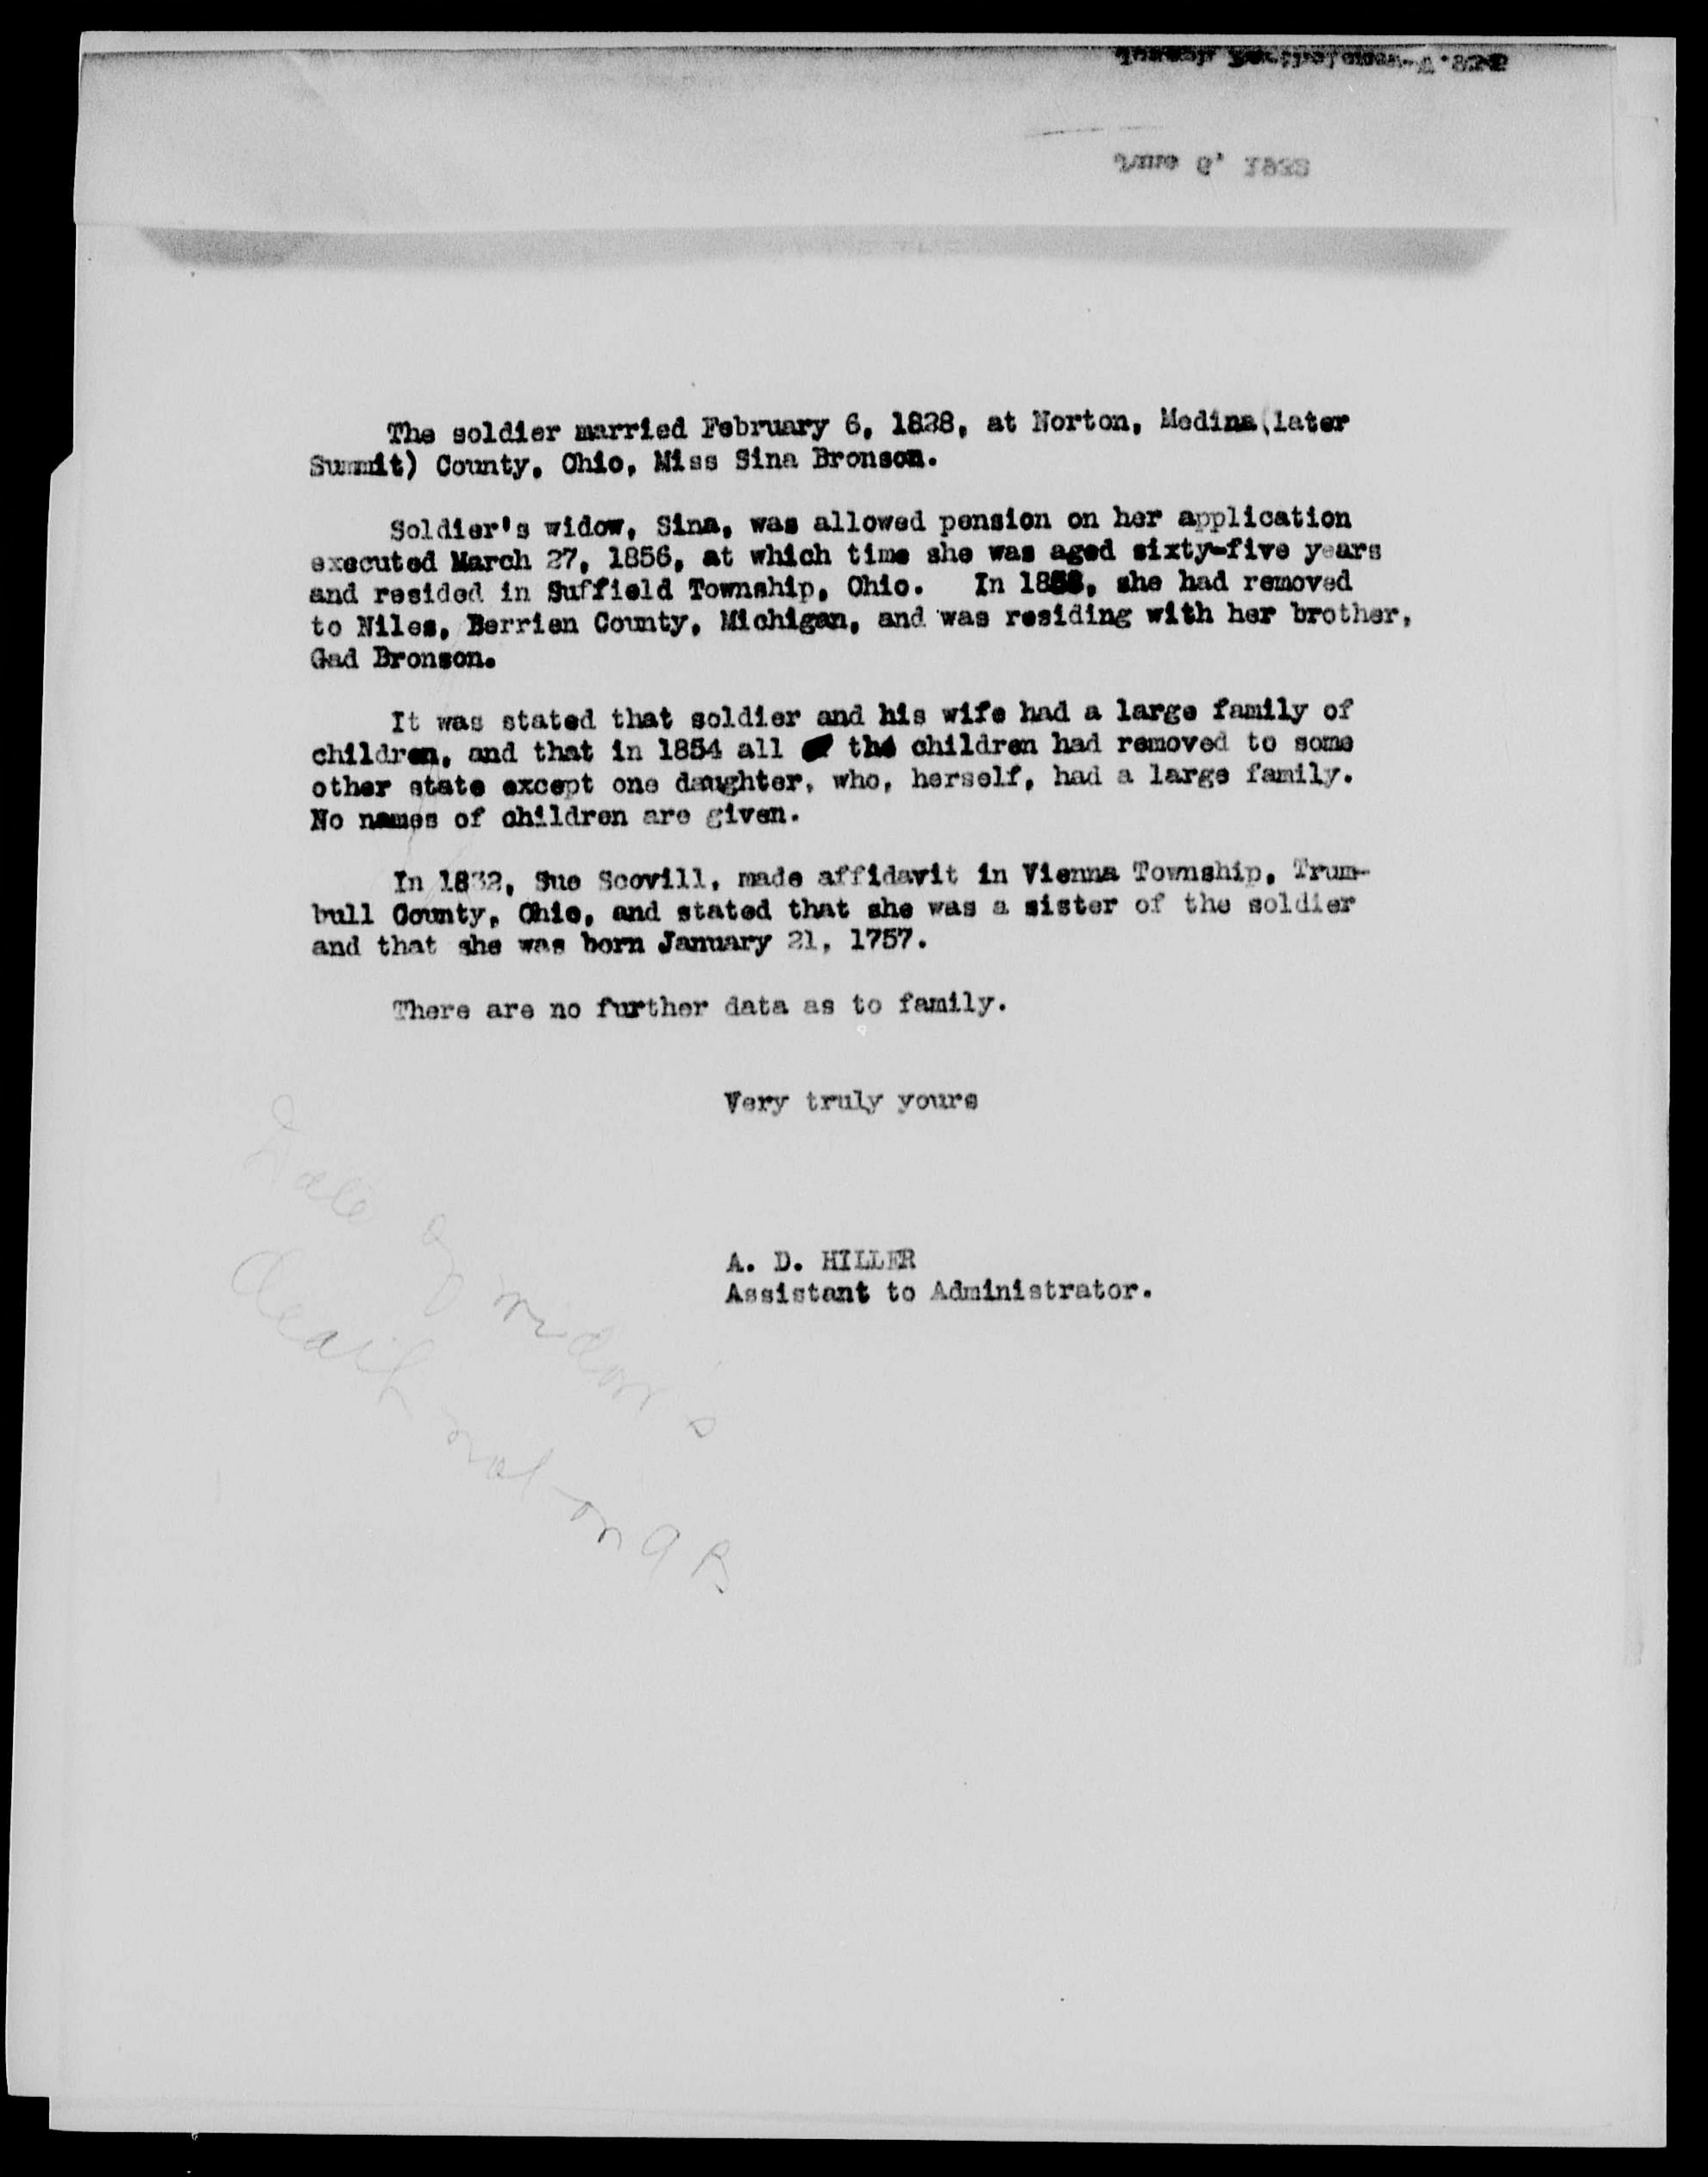The soldier married February 6, 1828, at Norton, Medina (later
Summit County, Ohio, Miss Sina Bronson
Soldier's widow, Sina, was allowed pension on her application
executed March 27, 1856, at which time she was aged sixty-five years
and resided in Suffield Township, Ohio. In 1848, she had removed
to Niles, Berrien County, Michigan, and was residing with her brother,
Gad Bronson,
It was stated that soldier and his wife had a large family of
children, and that in 1854 all of the children had removed to some
other state except one daughter, who, herself, had a large family.
No names of children are given.
In 1832, Sue Scovill, made affidavit in Vienna Township, Trumbull
County, Ohio, and stated that she was a sister of the soldier
and that she was born January 21, 1757.
There are no further data as to family.

Very truly yours
A. D. HILLER
Assistant to Administrator.
R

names: Sina Bronson, A D Hiller, Sina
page: 76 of 76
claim: widow's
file: W. 9345, Joseph Bartholomew, Conn.